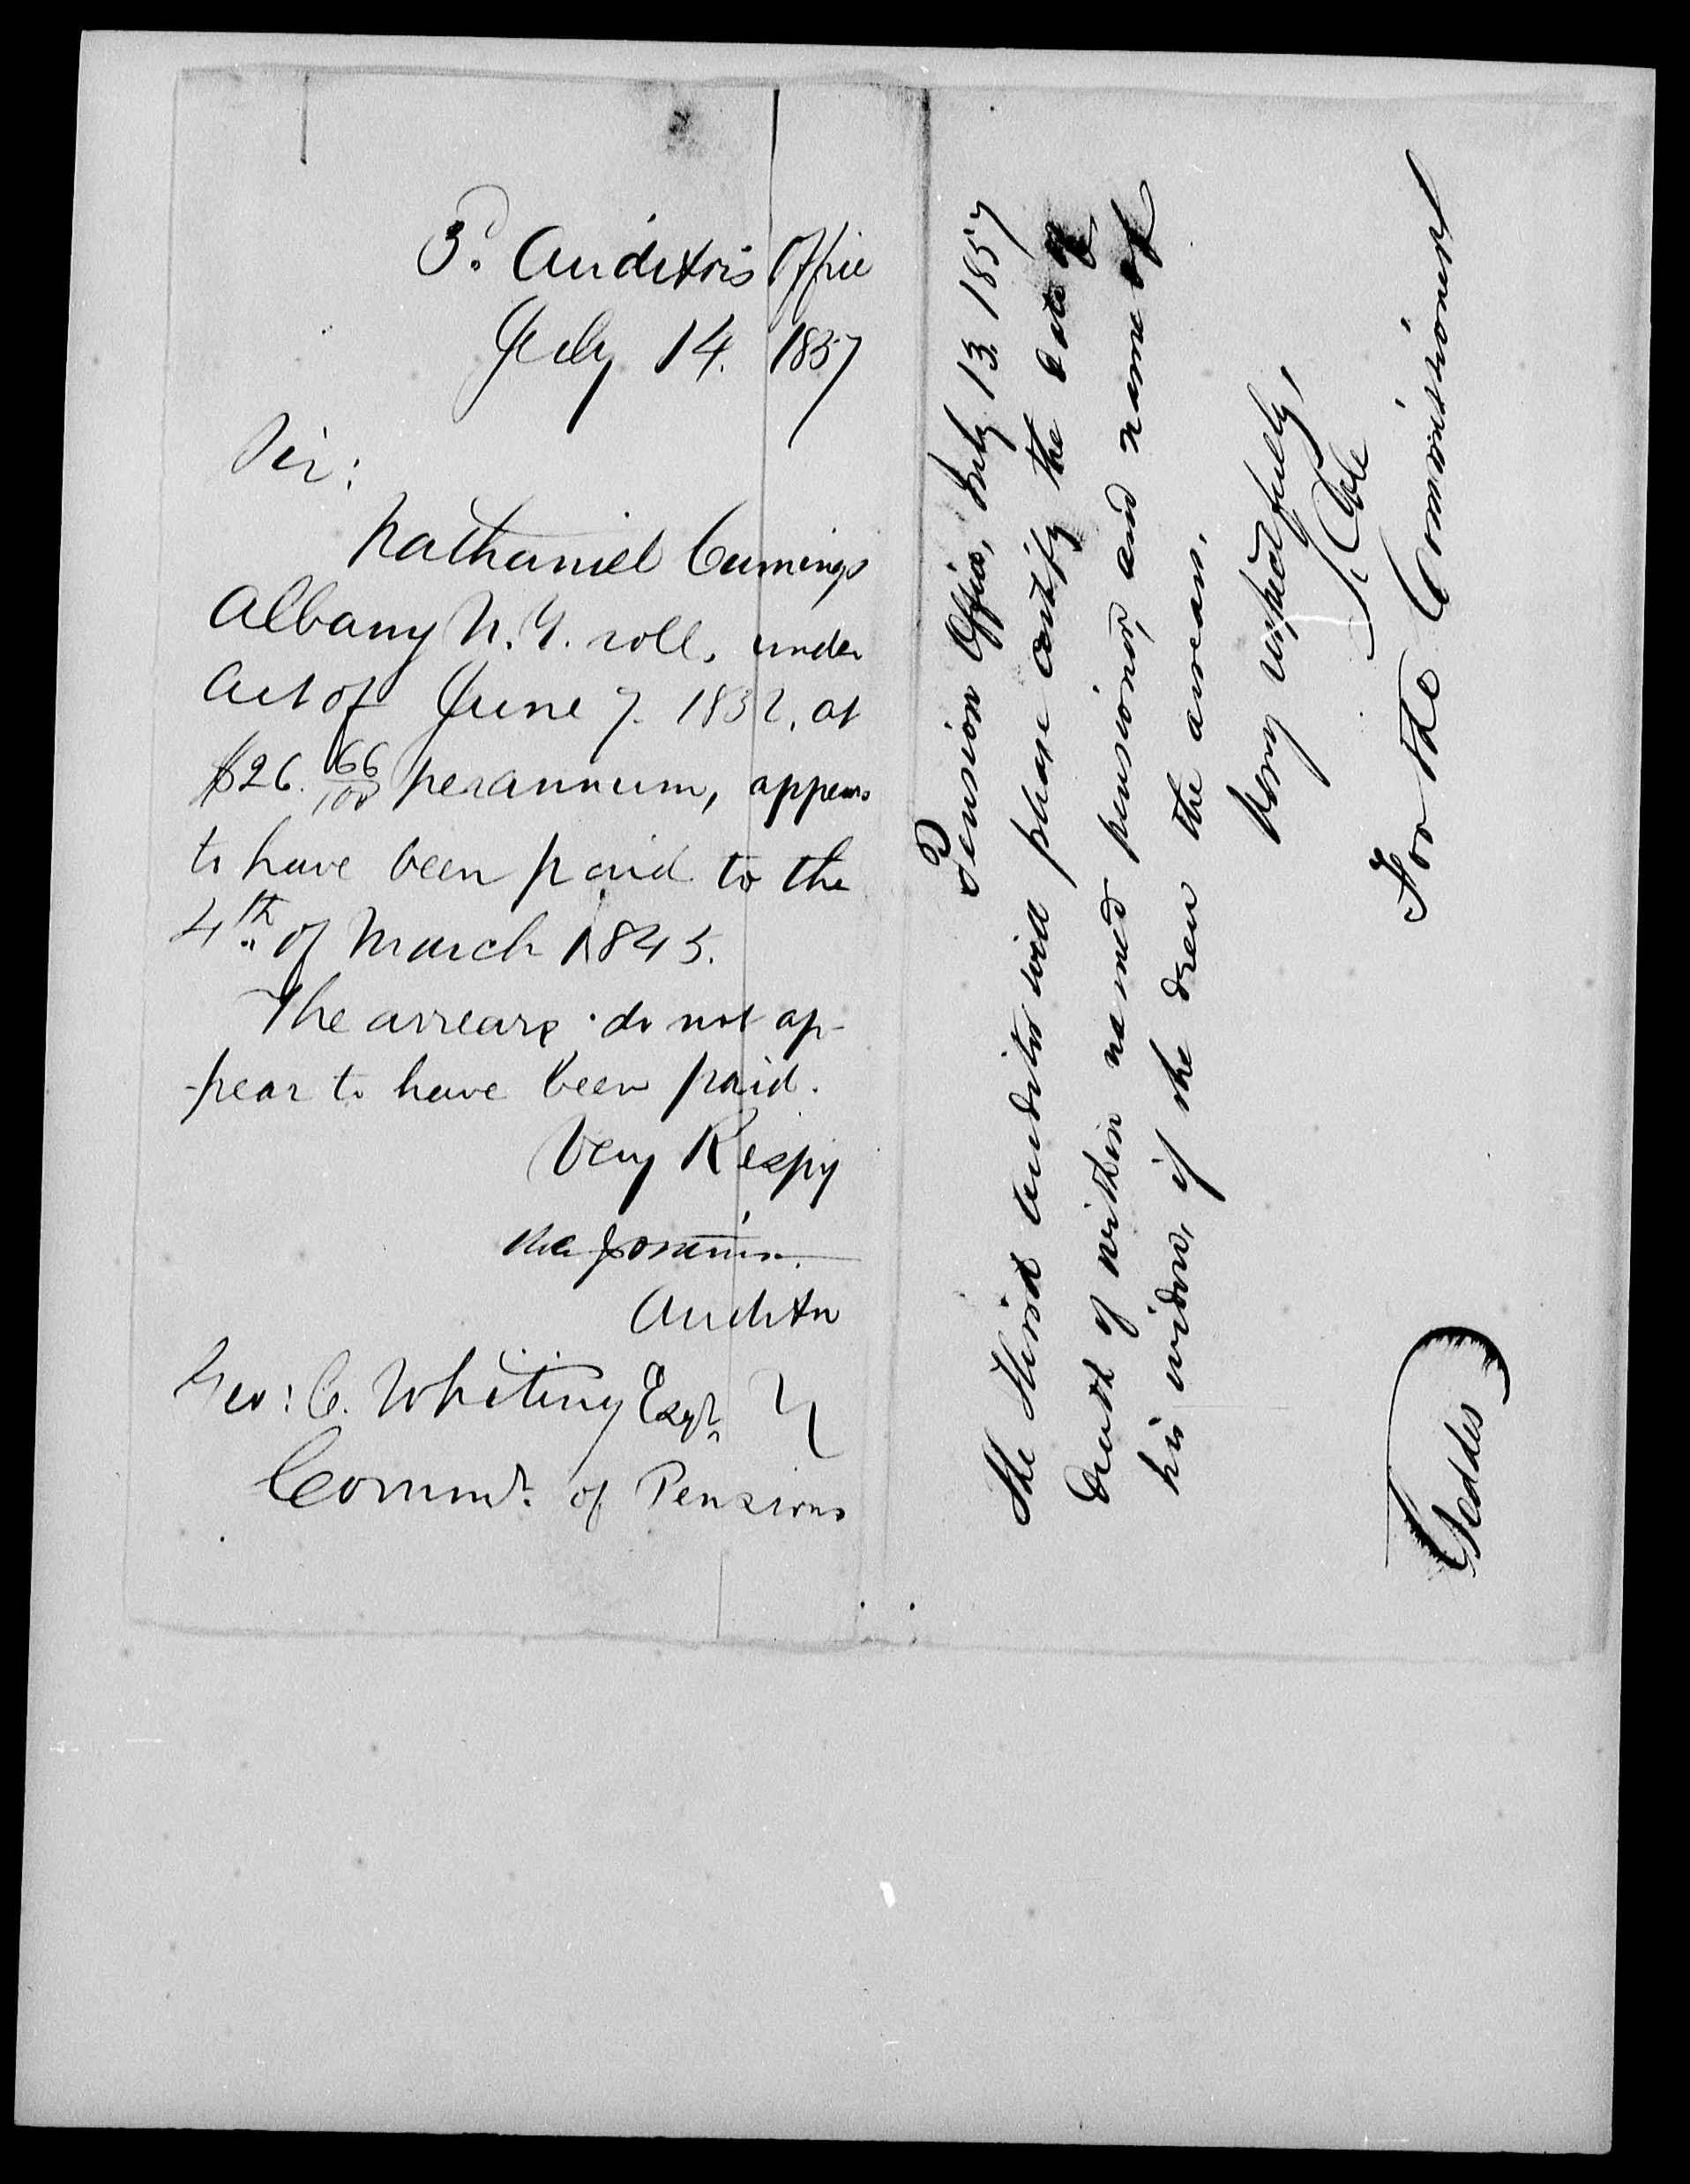3d Auditors
July 14
Sir
Office
1
Nathaniel Cummings
Albany N.Y. roll, under
Act of June 7, 1832, at
$26.60 per annum, appears
to have been paid to
4th of March 1845.
the
The arrears do not appear
to have been paid.
Very Respy
the Common
Andian
Geo. C. Whiting Esqr
Commr of Pensions

very respectfully,
Pension Office, July 13, 1857
for the Commissioner
his widow, if she drew the arrears
death of within named pensioner and name of
The Third auditor will please certify the date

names: Nathaniel Cumings, R C Jomnin, S Cole, Geo C Whiting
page: 33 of 41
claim: widow's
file: W. 9819, Nathaniel Cumings, Vt.